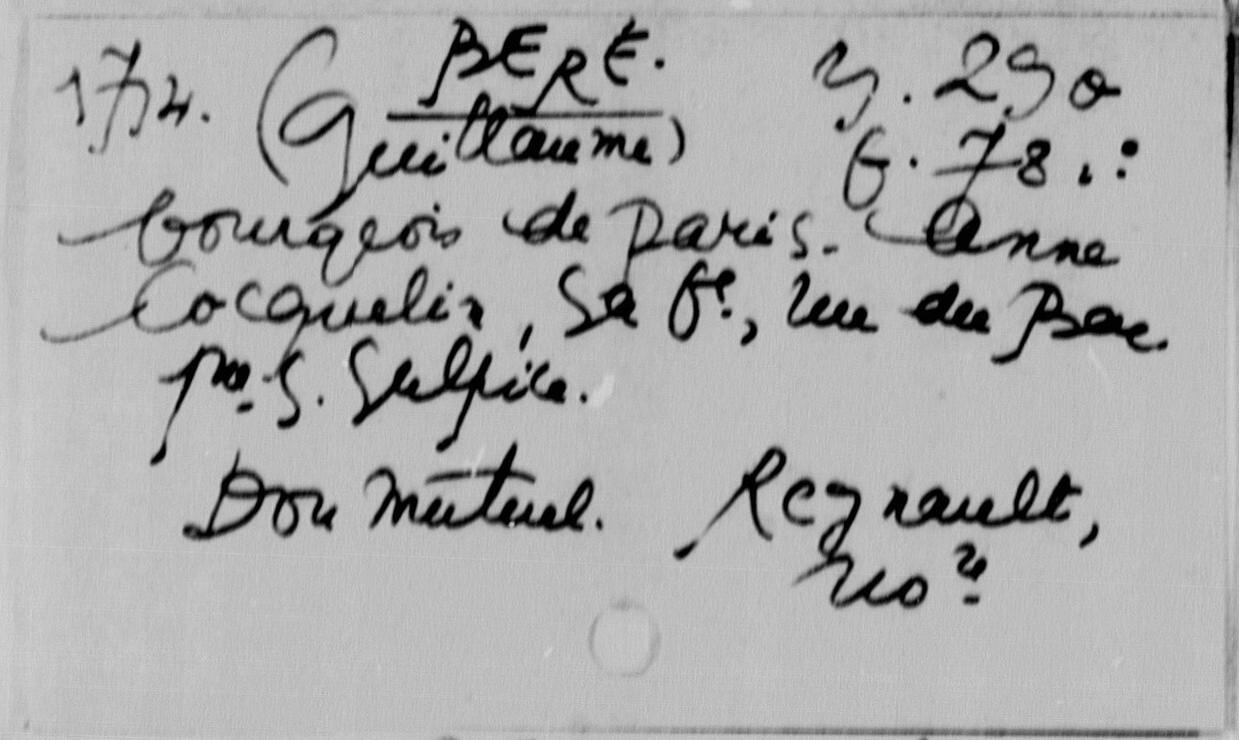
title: BERÉ (Guillaume)
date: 1714
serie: Y
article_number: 290
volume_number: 78v
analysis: bourgeois de Paris, Anne Cocquelin, sa femme, rue du Bac, paroisse Saint-Sulpice Don mutuel Regnault, notaire
